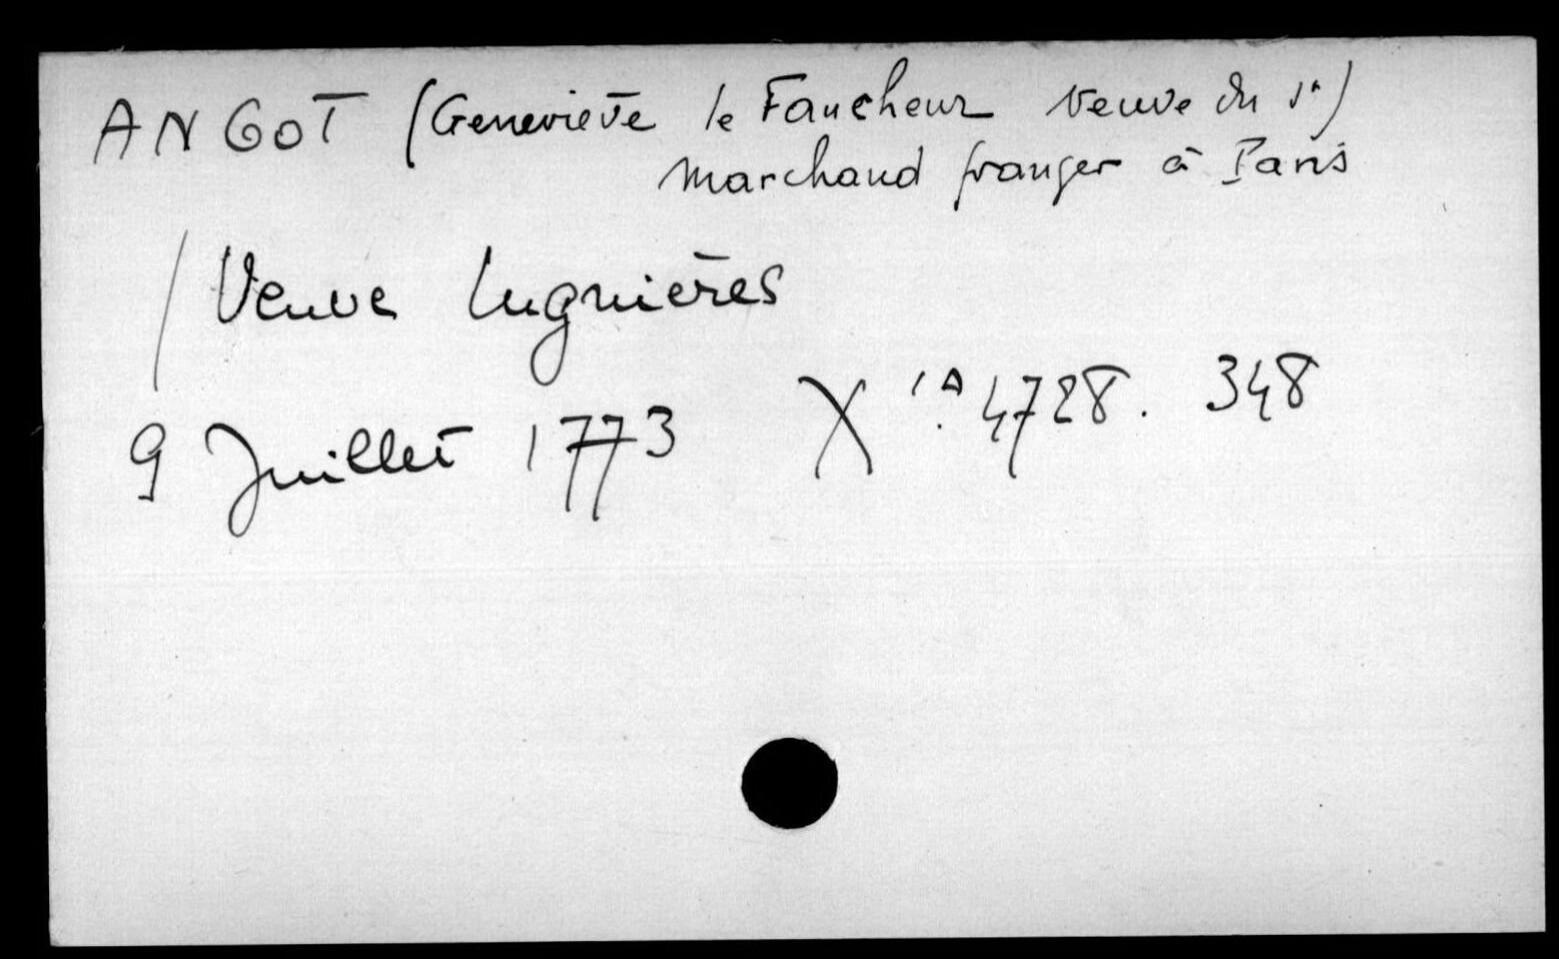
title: ANGOT (Geneviève le Faucheur veuve du sieur) marchand franger à Paris
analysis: Contre Veuve Lugnières
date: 9 juillet 1773
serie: X1A
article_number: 4728
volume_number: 348
